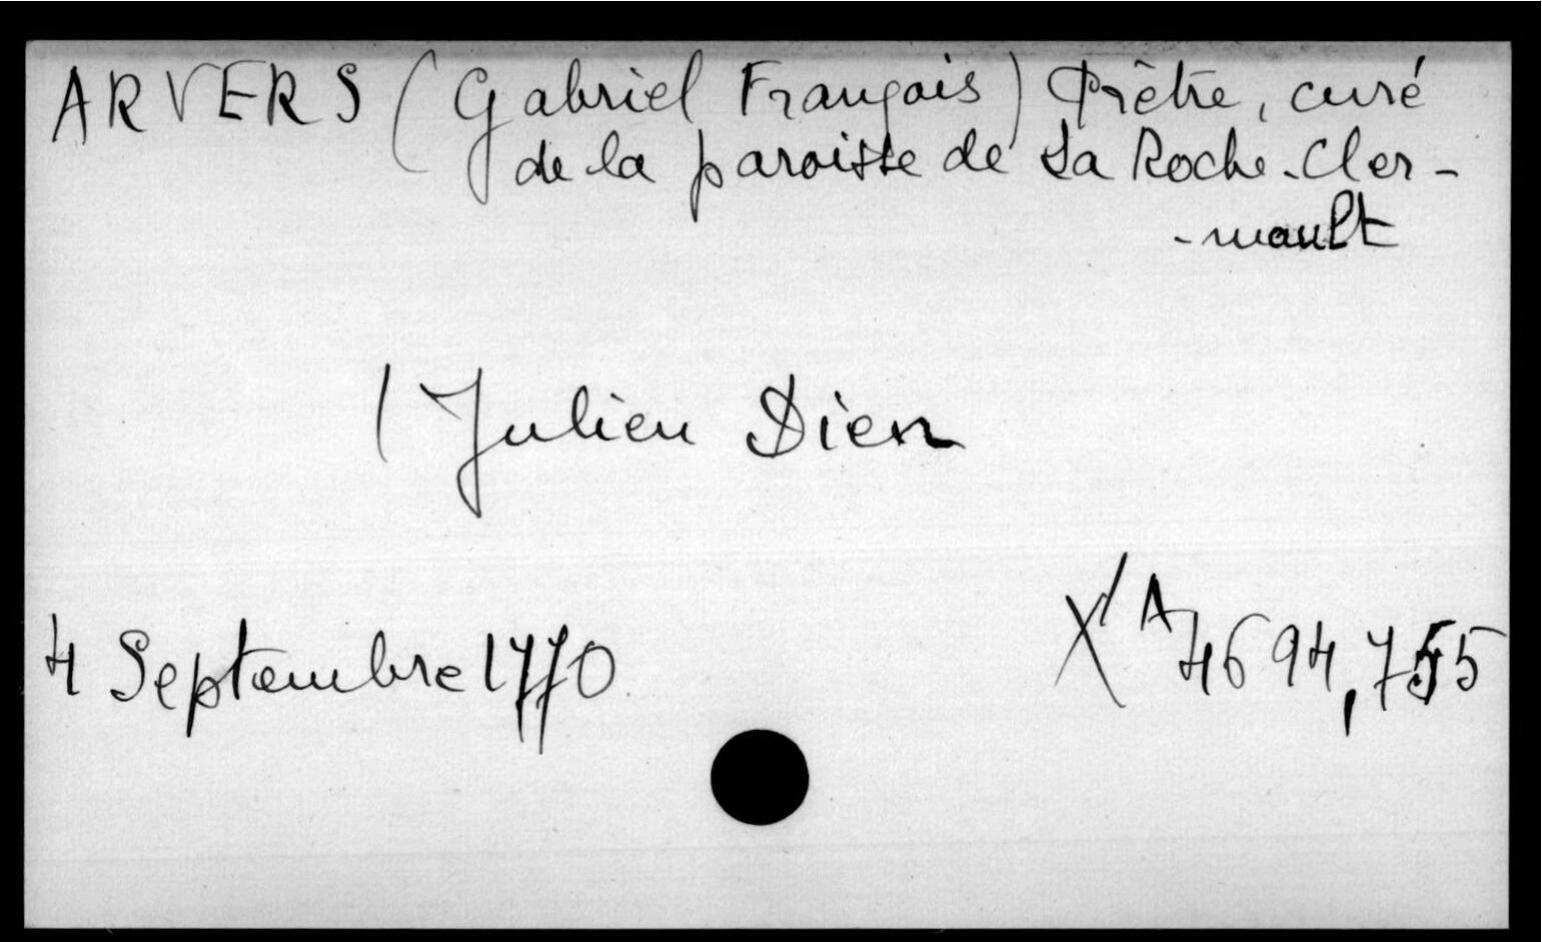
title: ARVERS (Gabriel François) Prêtre, curé de la paroisse de la Roche-Clermault
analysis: Contre Julien Dieu
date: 4 septembre 1770
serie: X1A
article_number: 4694
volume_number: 755
